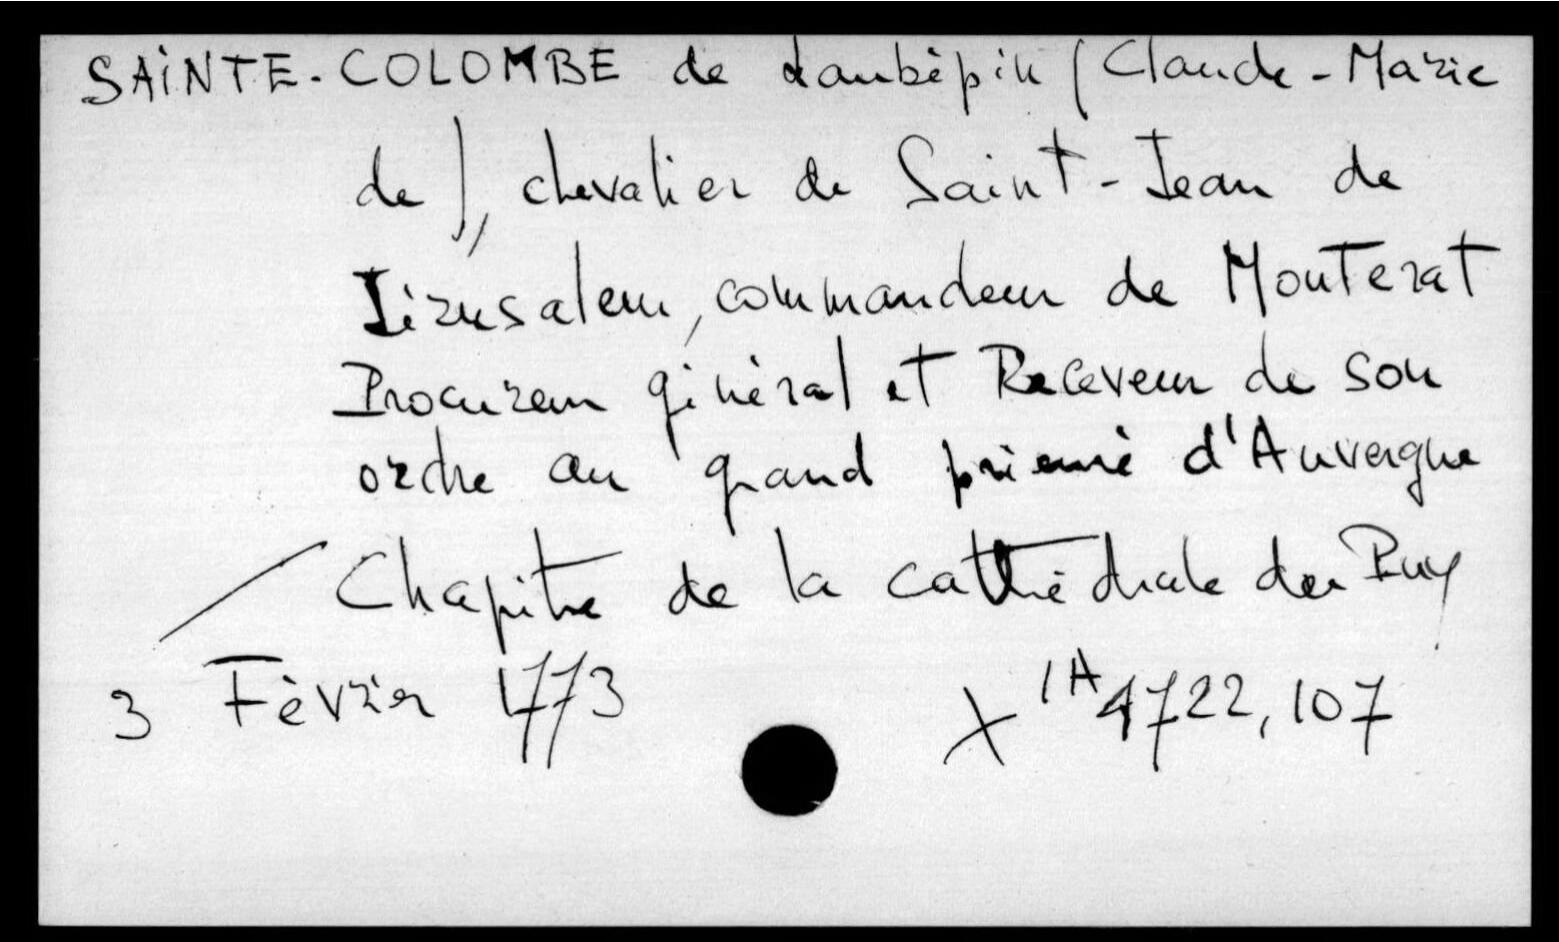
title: SAINTE-COLOMBE de Laubépin (Claude-Marie de), chevalier de Saint-Jean de Jérusalem, commandeur de Mouterat Procureur général et Receveur de son ordre au grand prieuré d'Auvergne
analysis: Contre Chapitre de la cathédrale du Puy
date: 3 février 1773
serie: X1A
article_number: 4722
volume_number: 107
